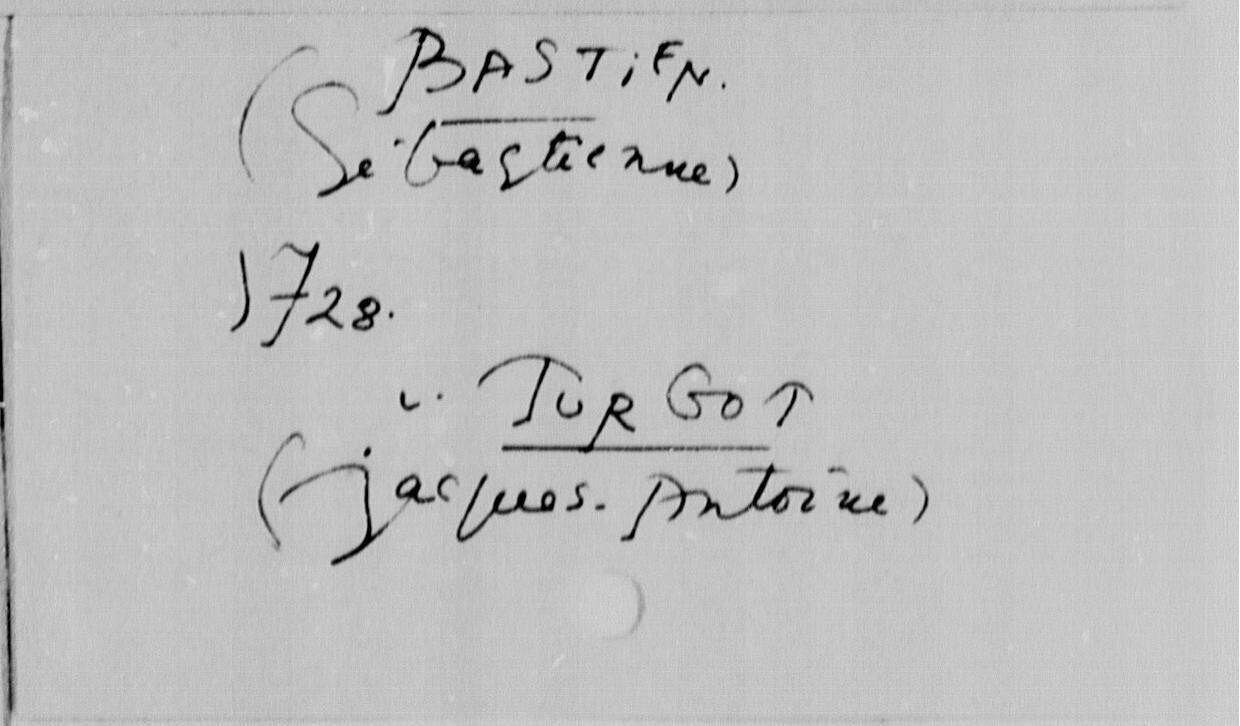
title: BASTIEN (Sébastienne)
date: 1728
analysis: Voir TURGOT (Jacques-Antoine)
